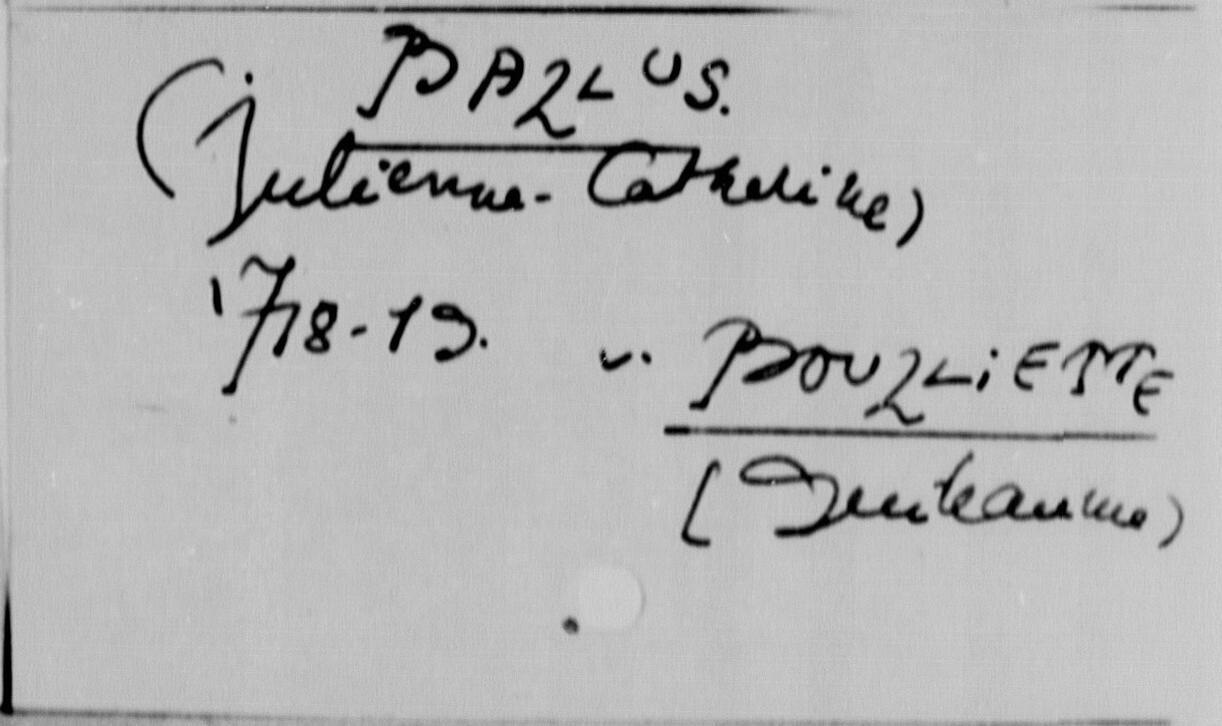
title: BALLUS (Julienne-Catherine)
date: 1718-1719
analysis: Voir BOULLIETE (Guillaume)
